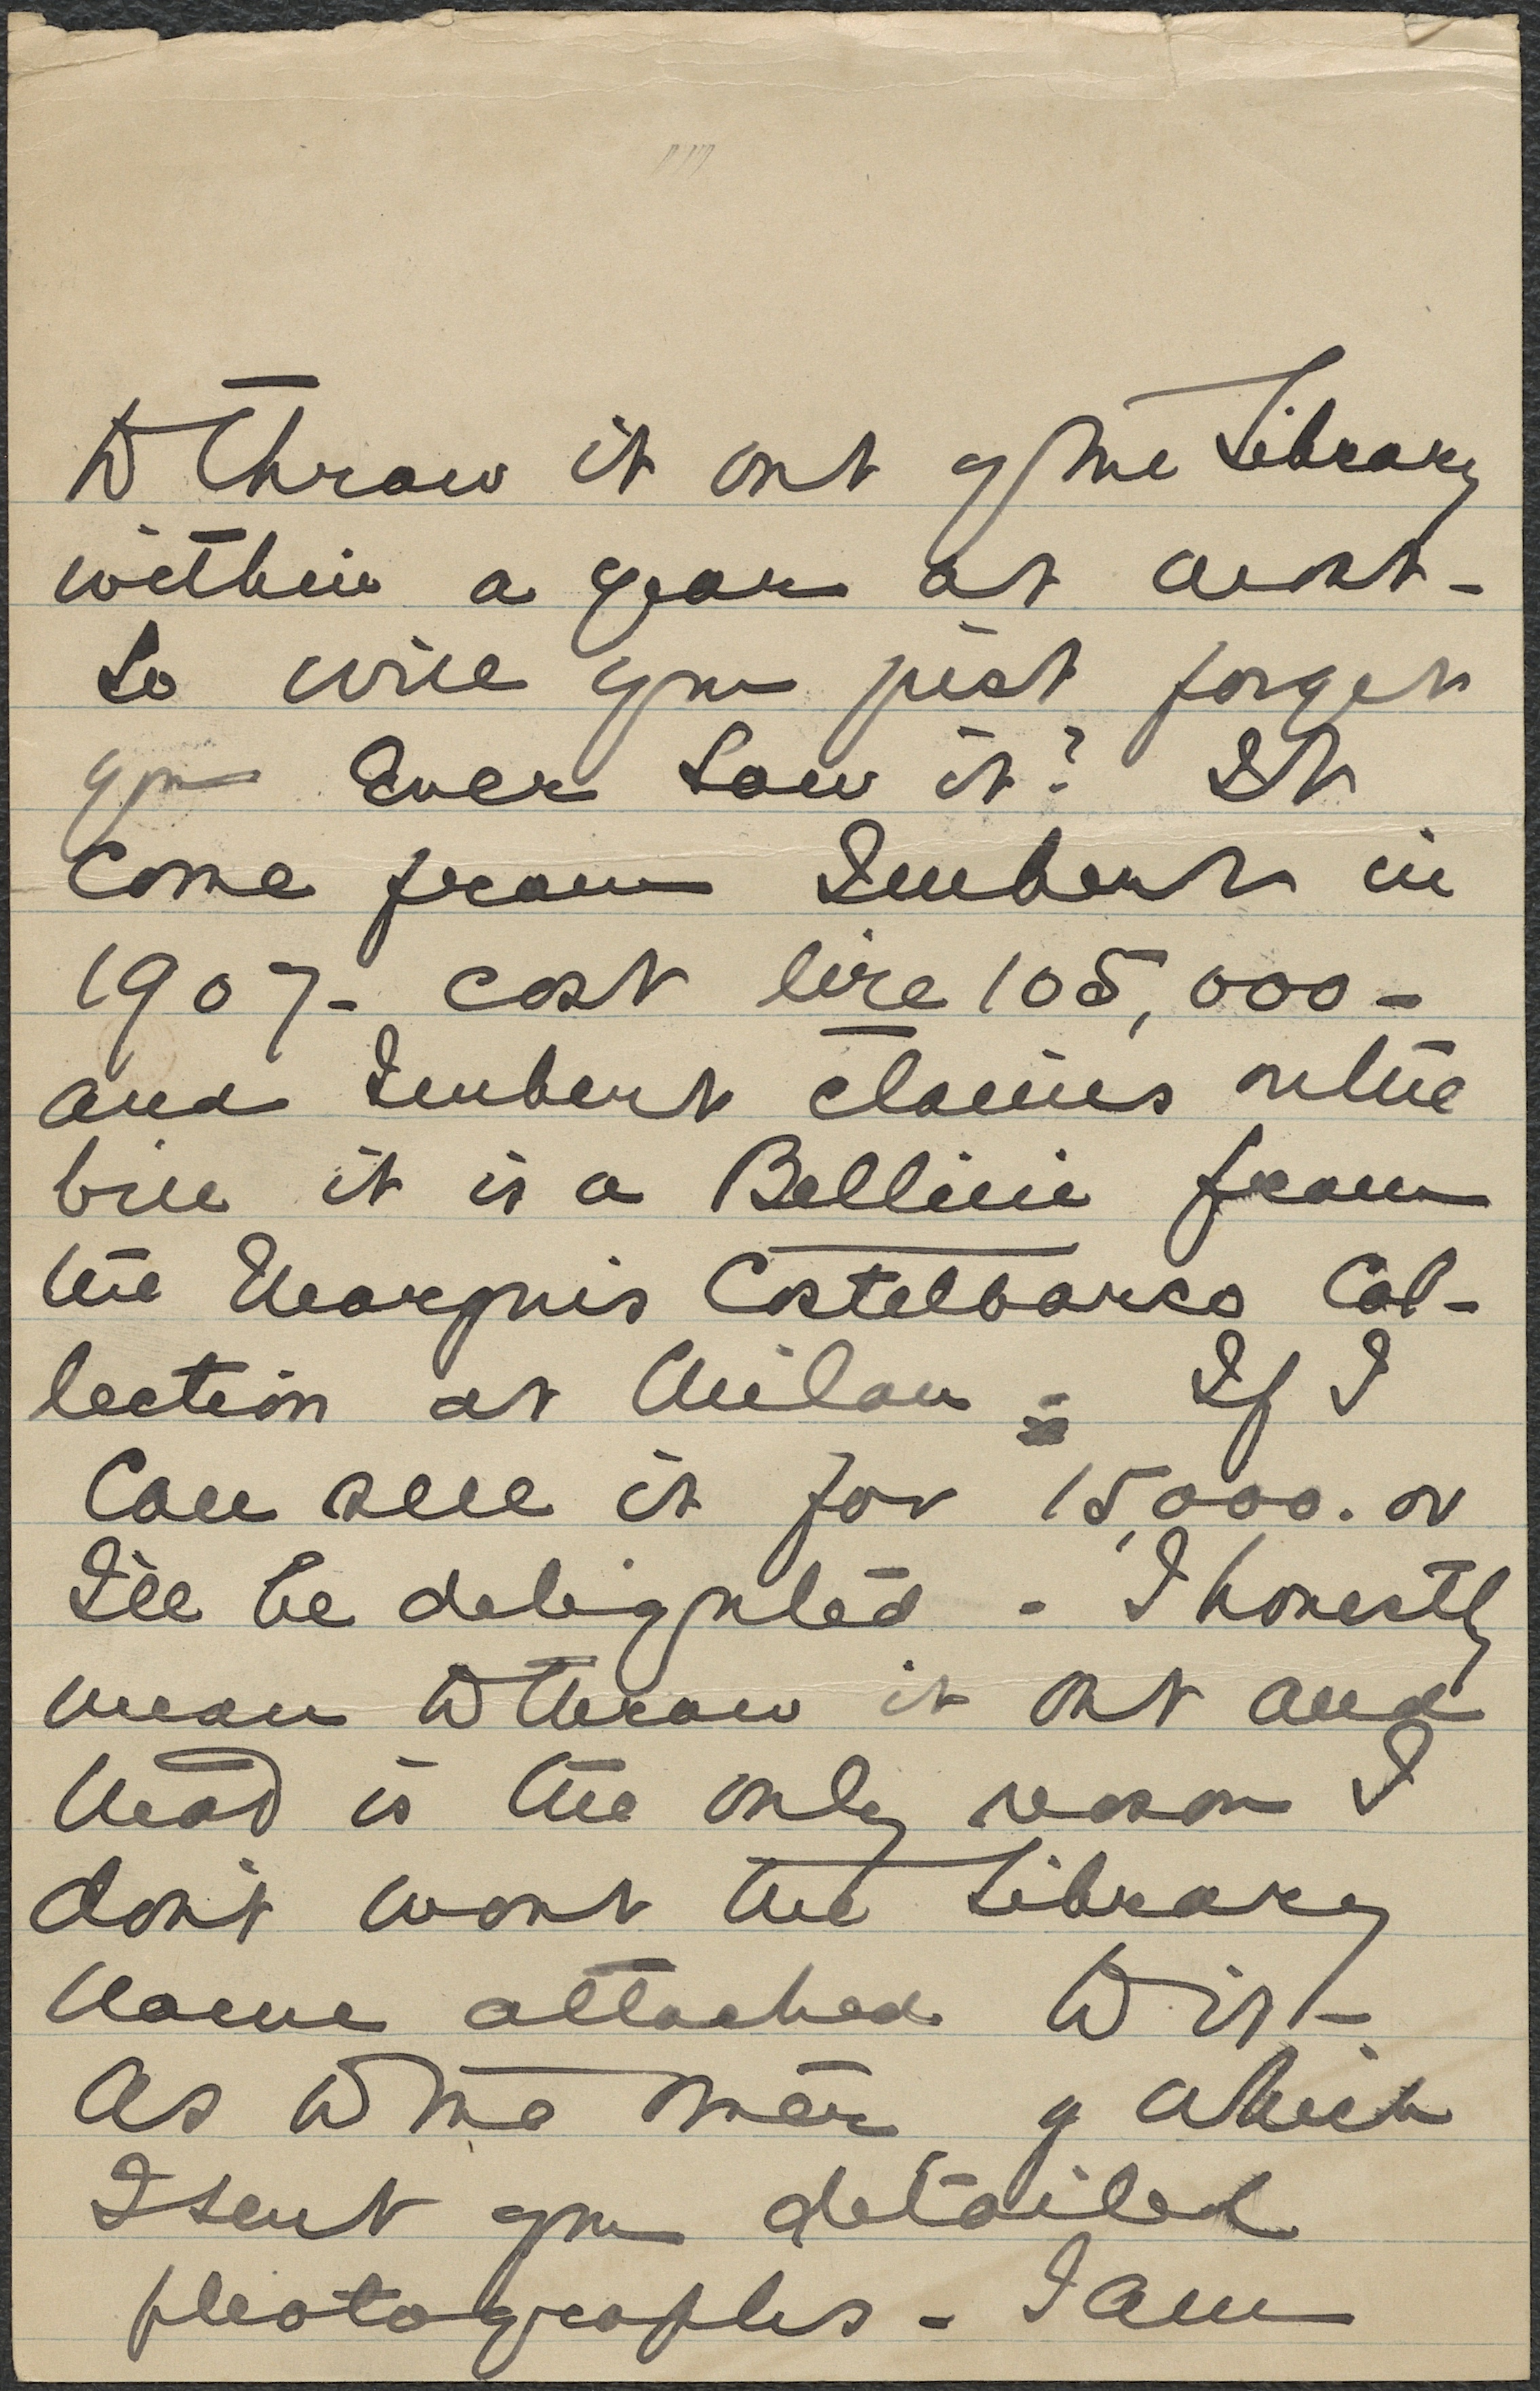to throw it out of the Library within a year at most – so will you just forget you ever saw it? It came from Imbert in 1907 – cost lire 105,000 – and Imbert claims on the bill it is a Bellini from the Marquis Castelbarco collection at Milan – If I can sell it for $15,000.00 I’ll be delighted – I honestly mean to throw it out and that is the only reason I don’t want the Library name attached to it – as to the other of which I sent you detailed photographs – I am